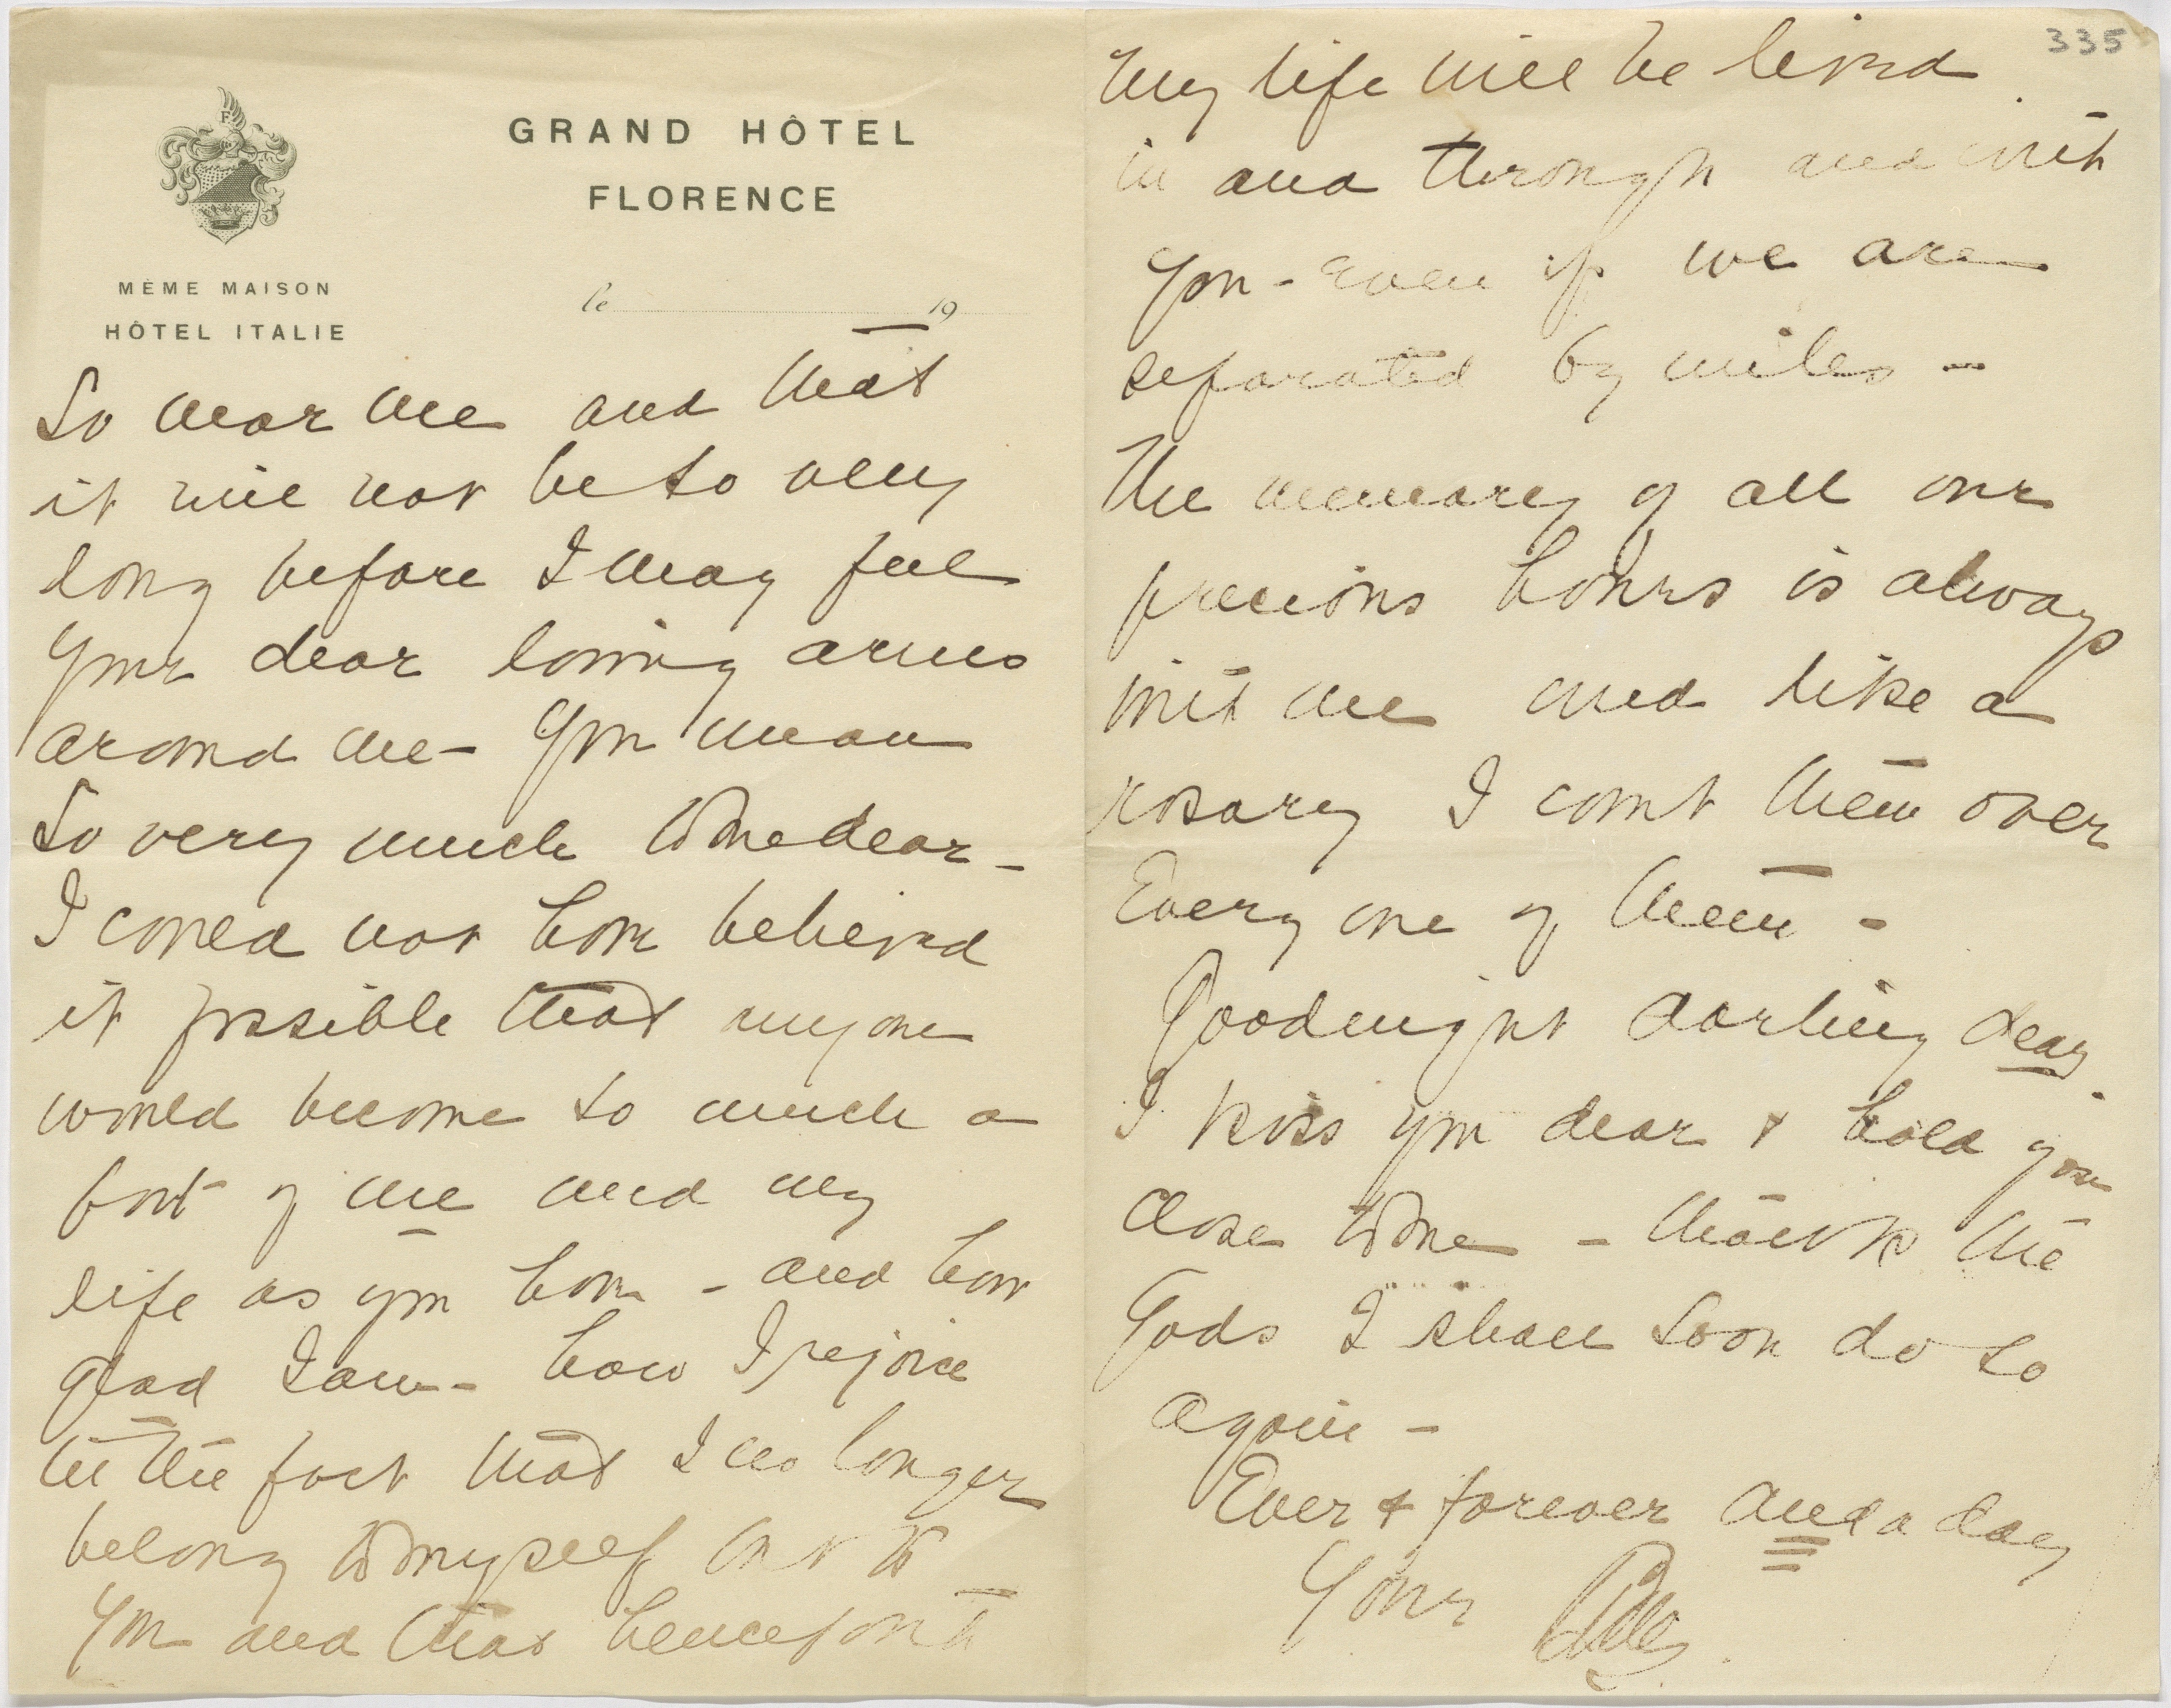so near me and that it will not be so very long before I may feel your dear loving arms around me – You mean so very much to me dear – I could not have believed it possible that anyone would become so much a part of me and my life as you have – and how glad I am – how I rejoice in the fact that I no longer belong to myself but to you and that henceforth
my life will be lived in and through and with you – even if we are separated by miles – The memory of all our precious hours is always with me and like a rosary I count them over Every one of them –
Goodnight darling dear – I kiss you dear & hold you close to me – thank the Gods I shall soon do so again –
Ever & forever [underlined three time: and] a day
Your Belle